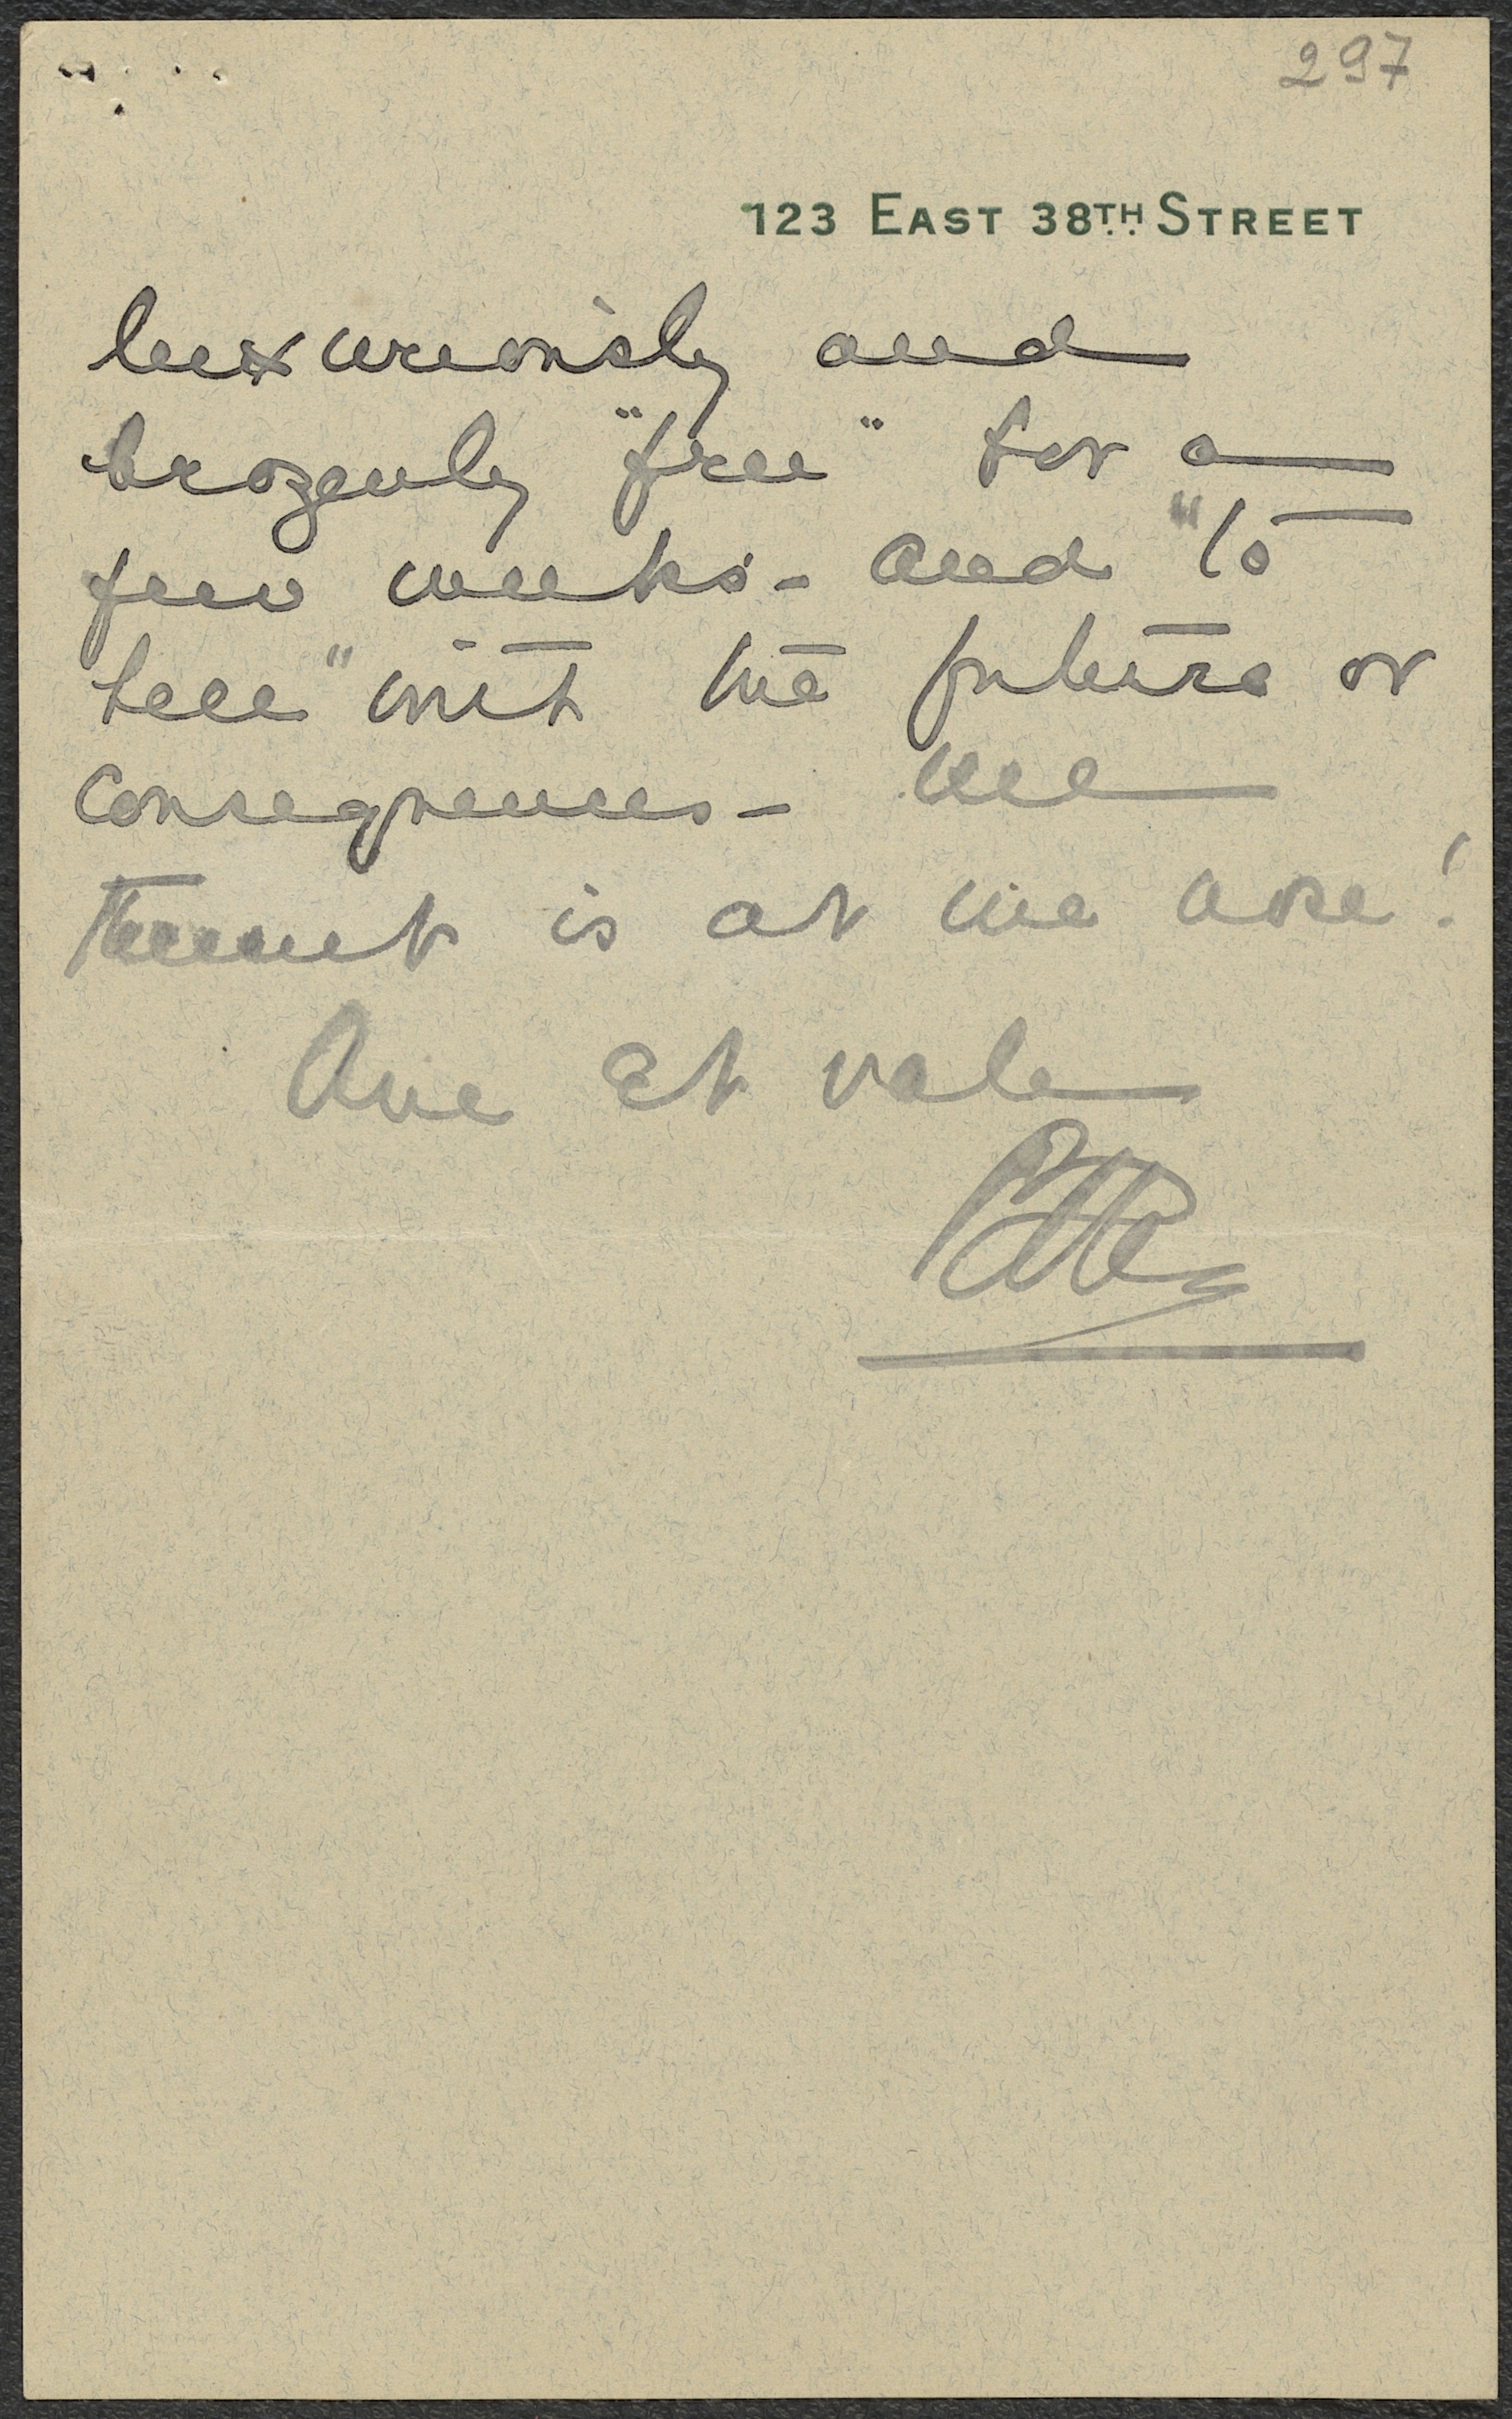luxuriously and brazenly “free” for a few weeks – and “to hell” with the future or consequences – me thumb is at me nose!
Ave et vale
Belle